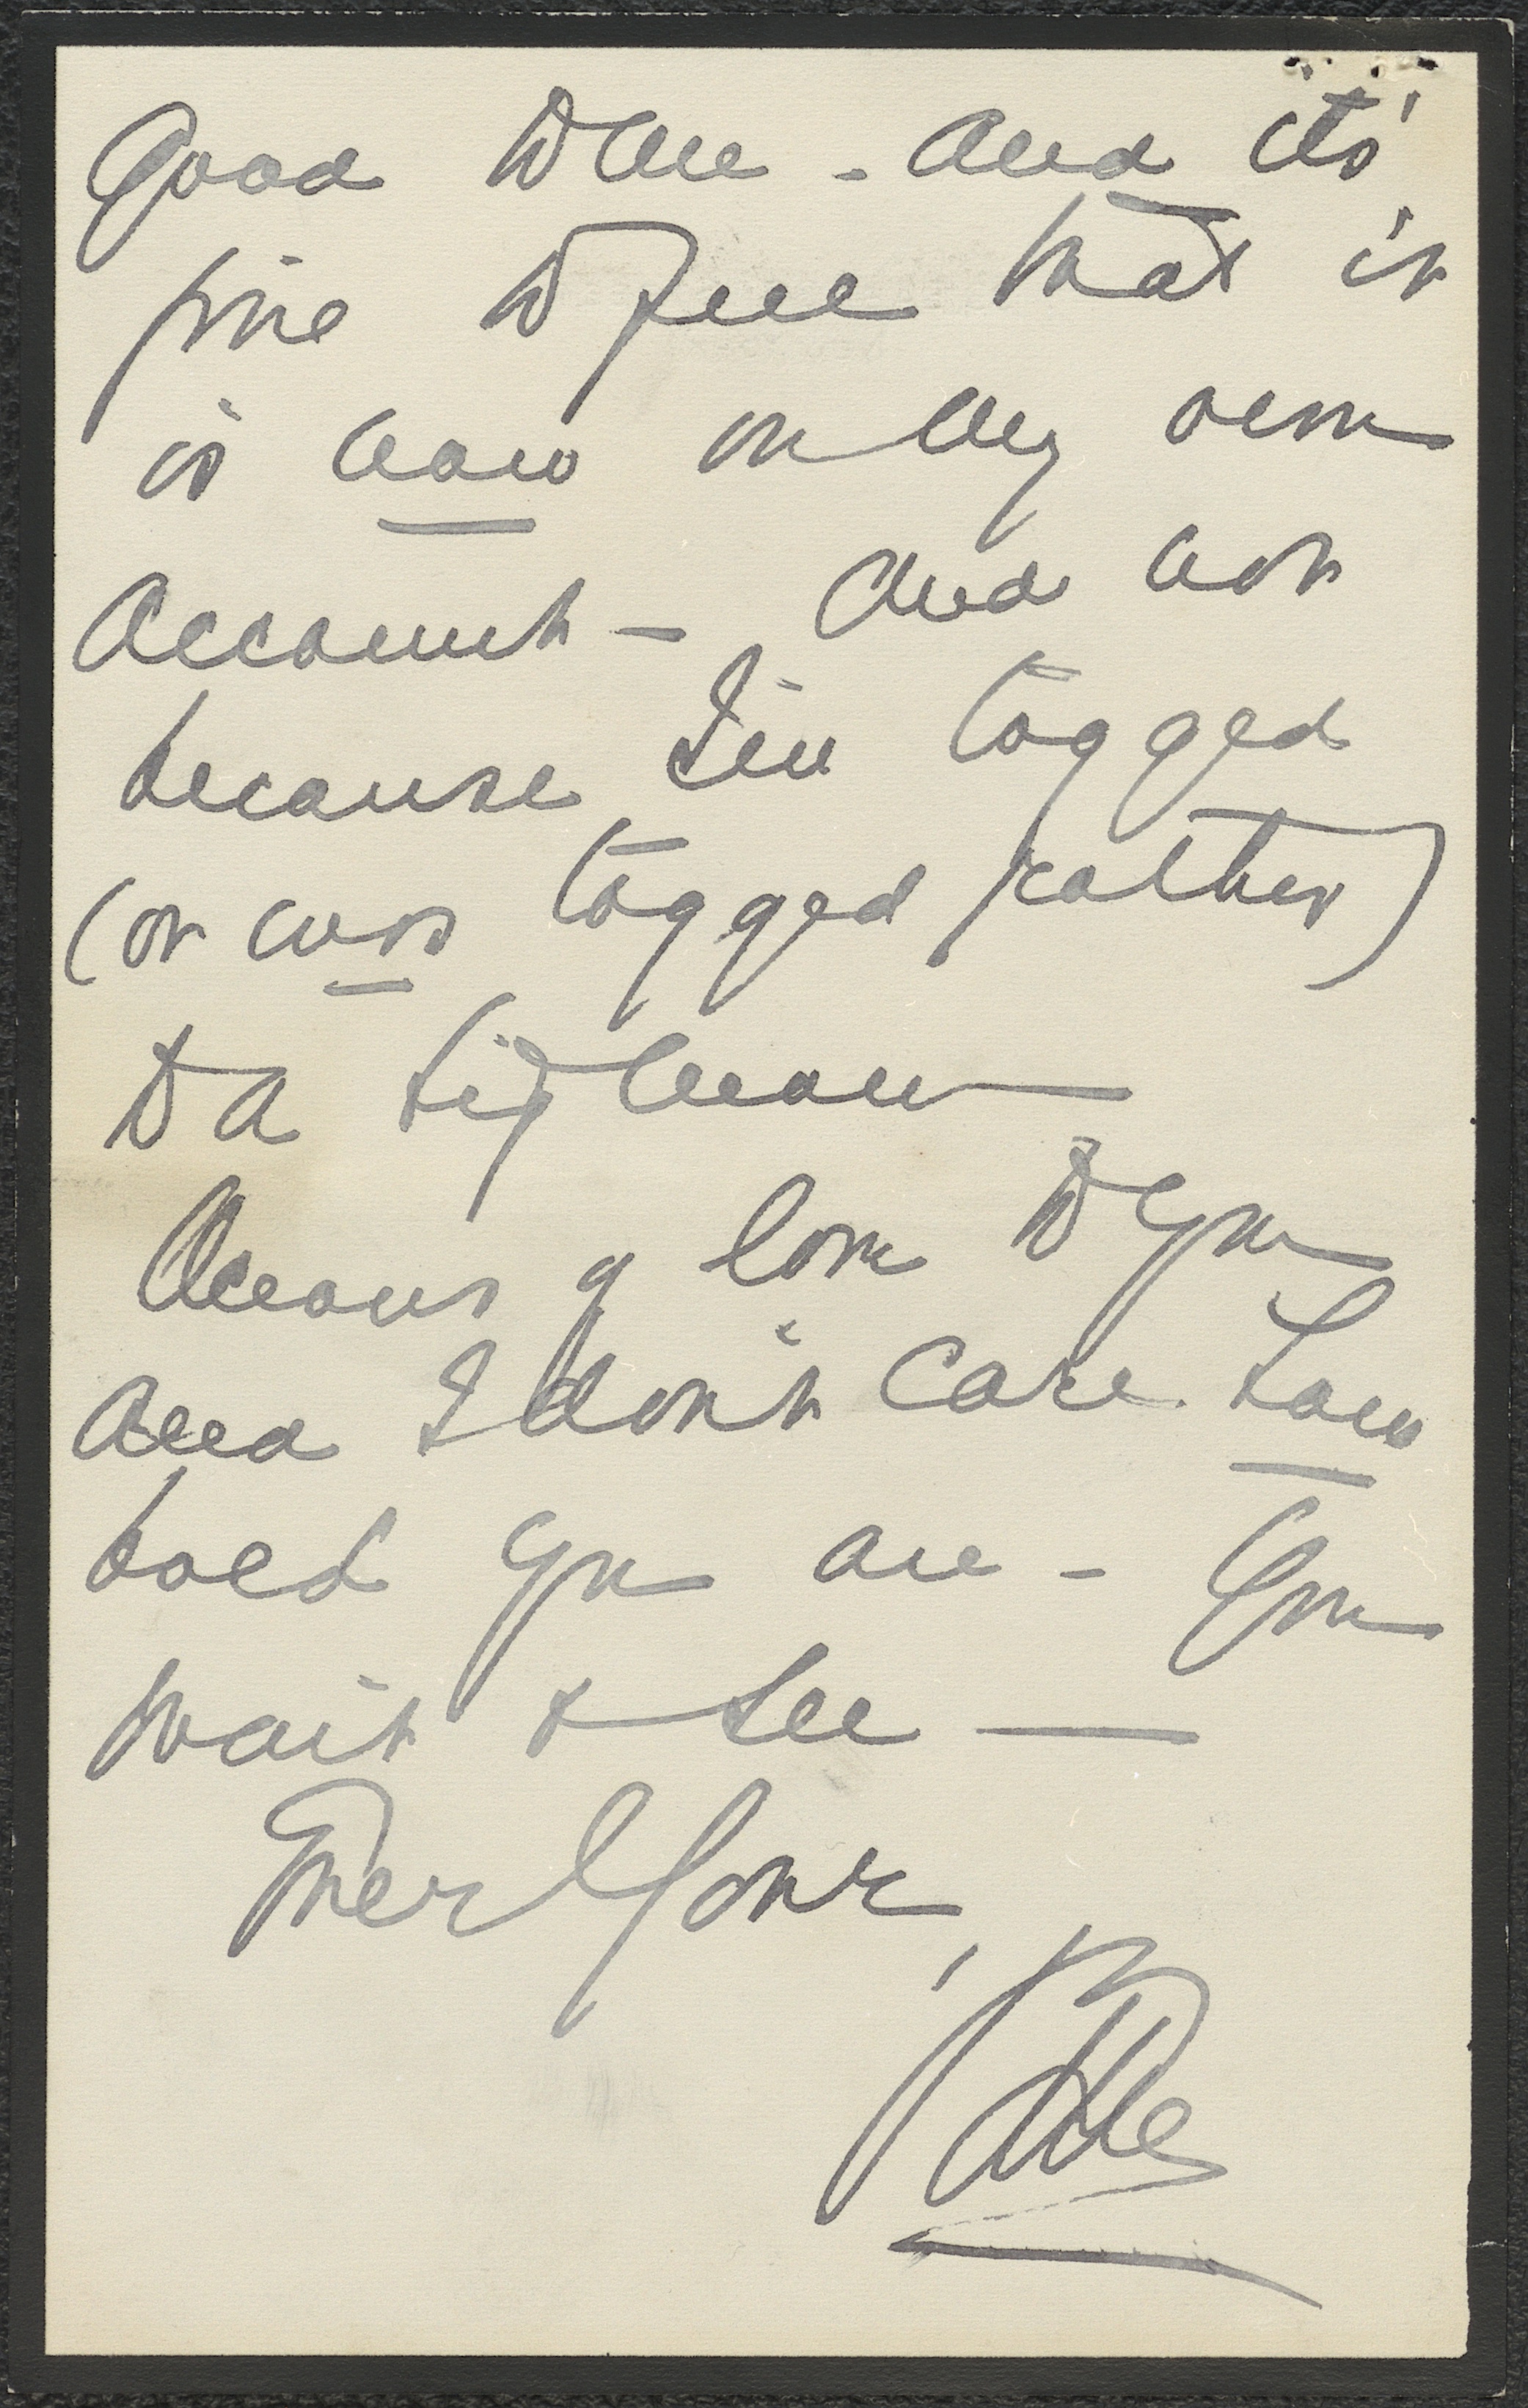good to me – and it’s fine to feel that it is now on my own account – and not because I’m tagged (or was tagged rather) to a big man –
Oceans of love to you and I don’t care how bald you are – You wait & see –
Ever Your,
Belle